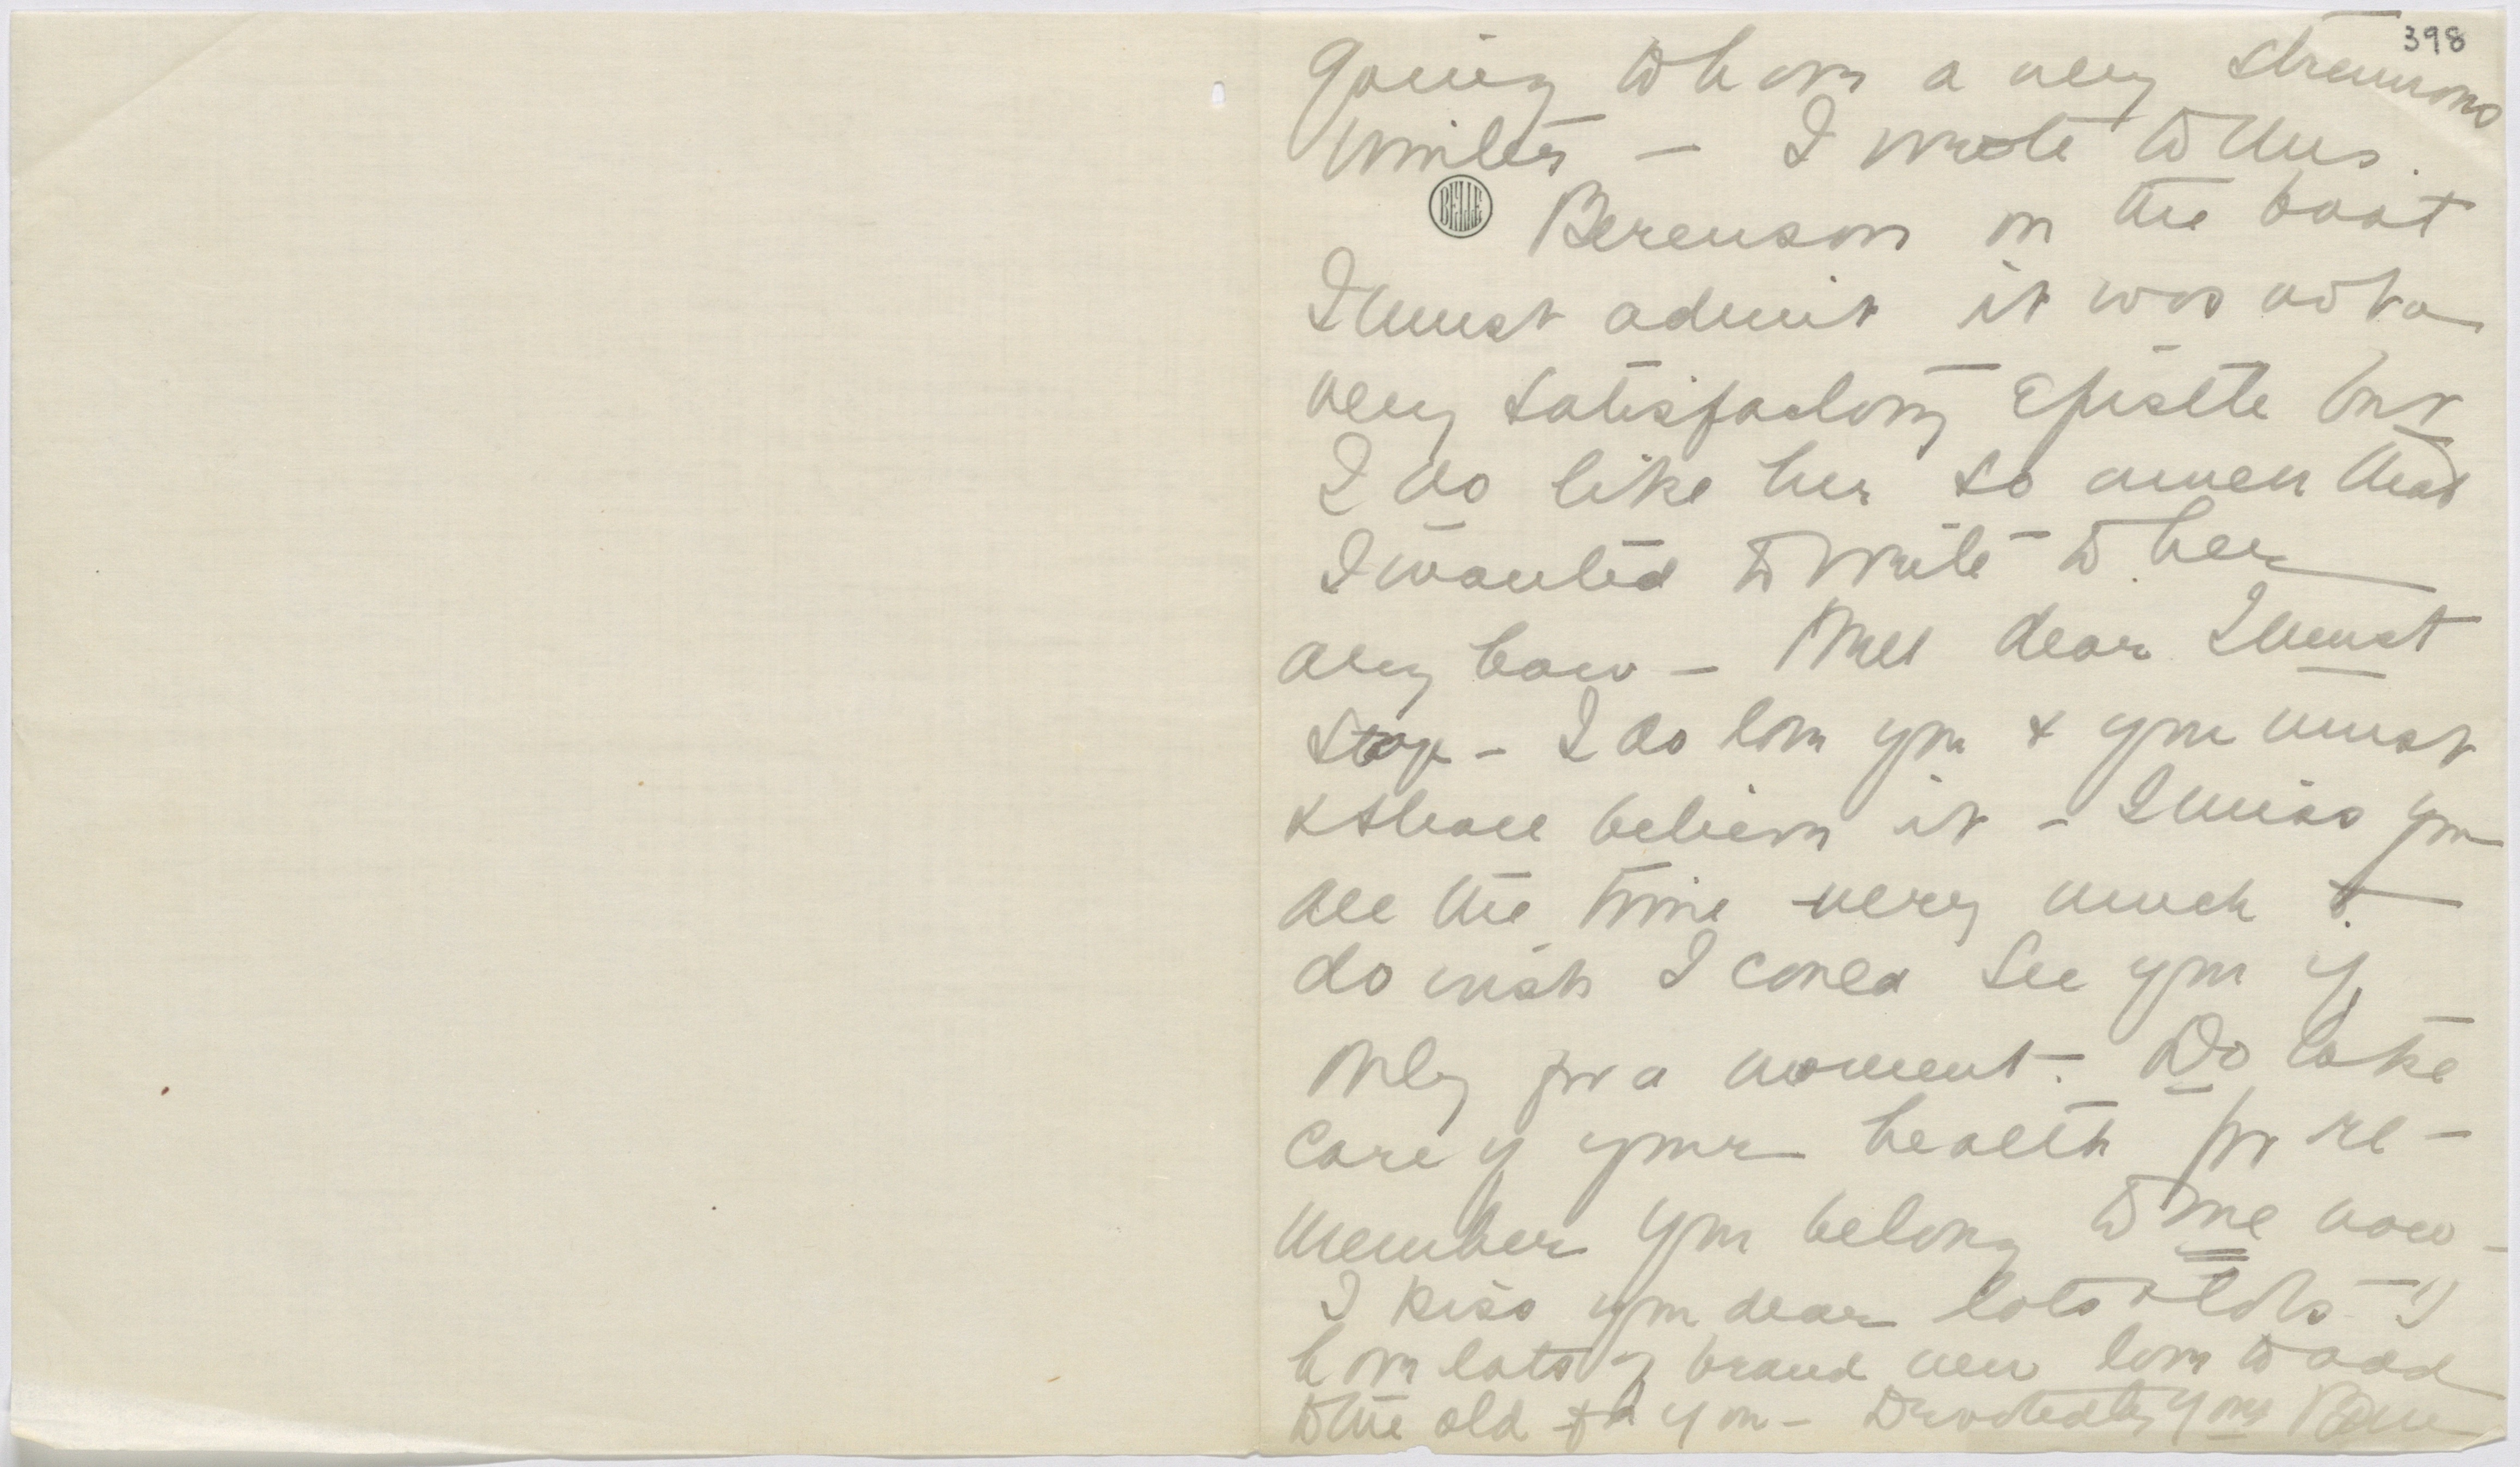going to have a very strenuous winter – I wrote to Mrs. Berenson on the boat I must admit it was not a very satisfactory epistle but I do like her so much that I wanted to write to her any how – Well dear I must stop – I do love you & you must & shall believe it – I miss you all the time very much & do wish I could see you if only for a moment. Do take care of your health for remember you belong to [triple underlined: me] now – I kiss you dear lots & lots – I have lots of brand new love to add to the old for you – Devotedly your Belle